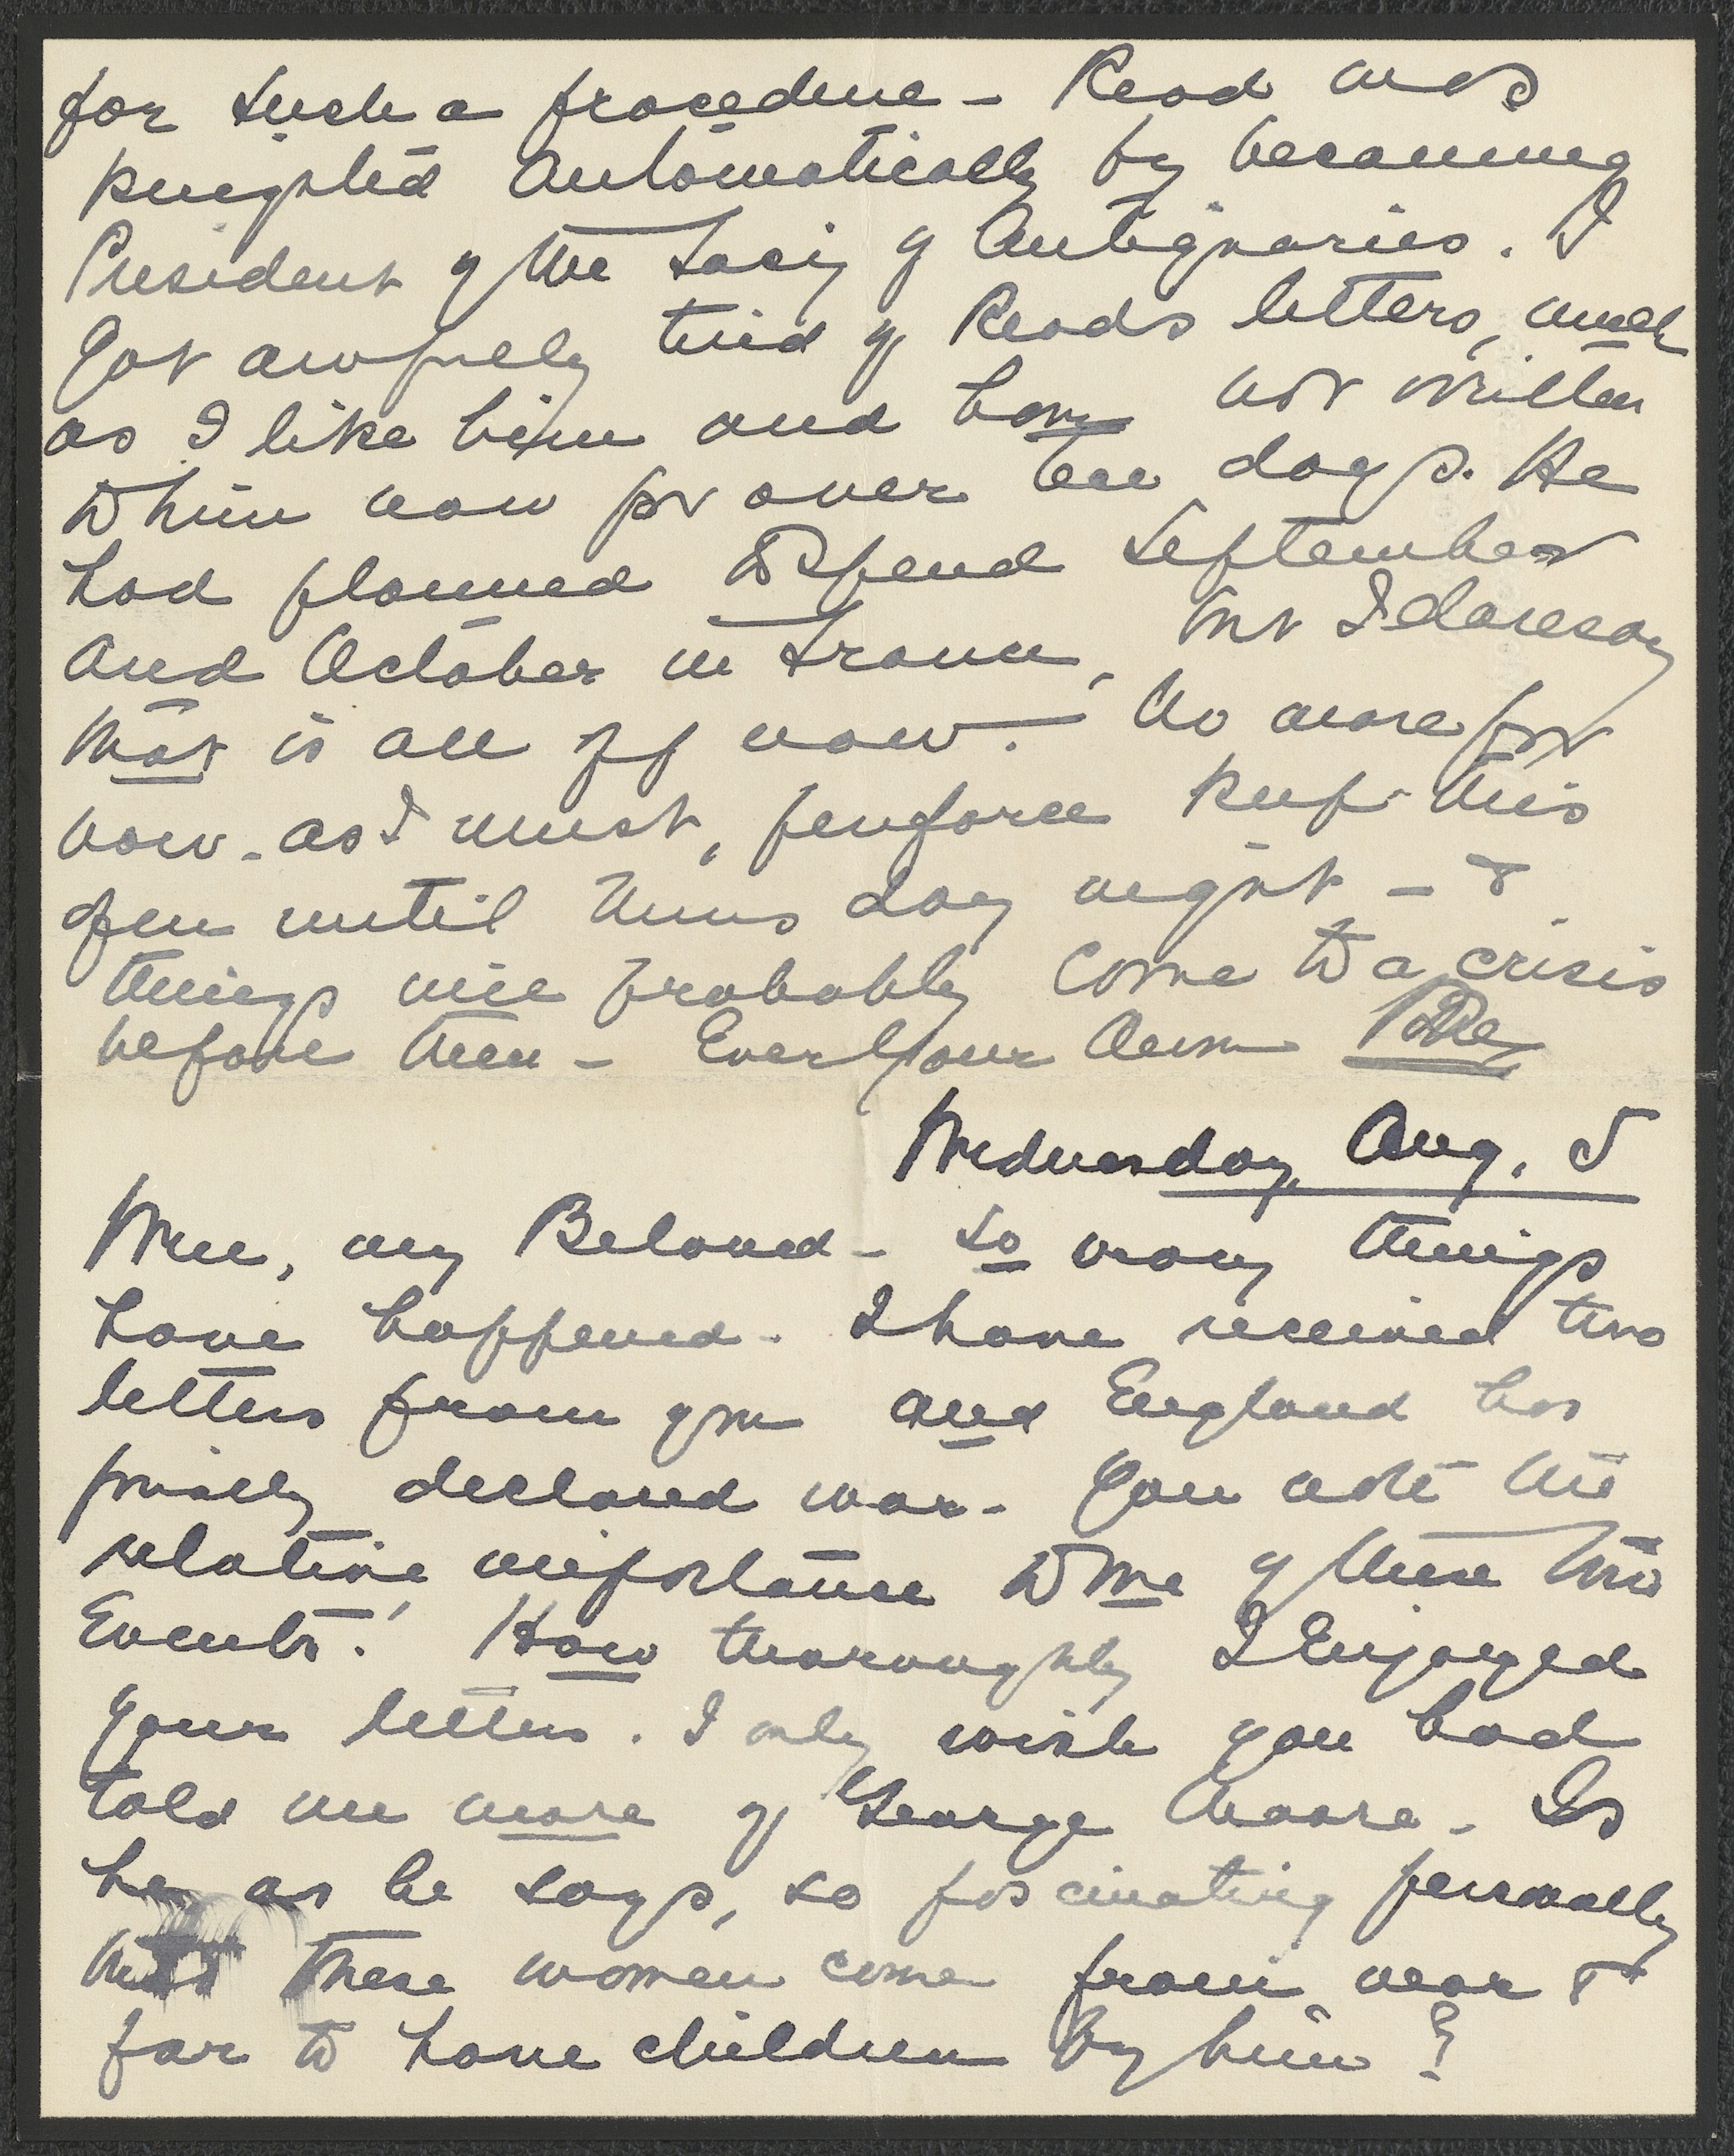for such a procedure – Read was knighted automatically by becoming President of the Sociy of Antiquaries. I got awfully tired of Read’s letters, much as I like him and have not written to him now for over ten days. He had planned to spend September and October in France, but I daresay that is all off now. No more for now – as I must, perforce keep this open until Thursday night – & things will probably come to a crisis before then –
Ever Your Own Belle
Wednesday, Aug. 5
Well, my Beloved – so many things have happened – I have received two letters from you and England has finally declared war – You note the relative importance to me of these two events! How thoroughly I enjoyed your letters. I only wish you had told me more of George Chase – Is he as he says, so fascinating personally that these women come from near & far to have children by him?